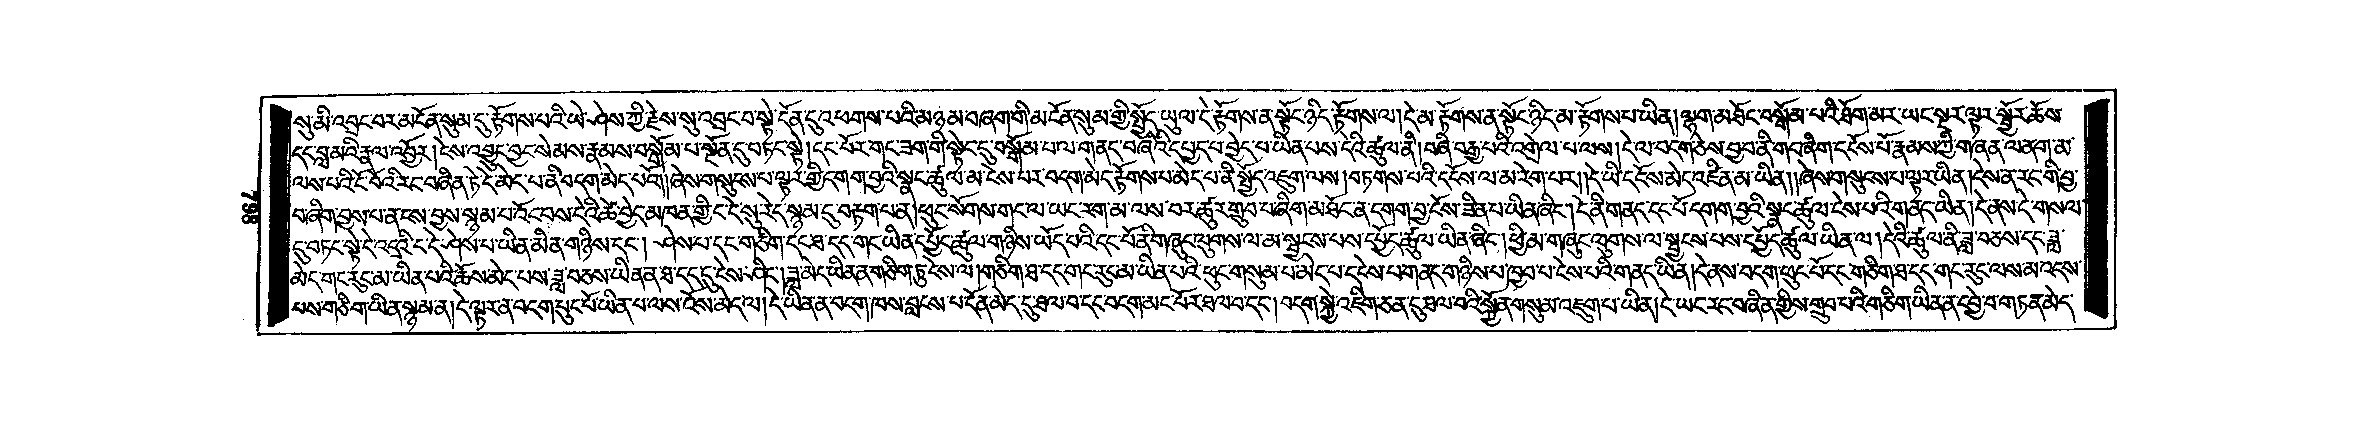སུ་མི་འབྲང་བར་མངོན་སུམ་དུ་རྟོགས་པའི་ཡེ་ཤེས་ཀྱི་རྗེས་སུ་འབྲང་བ་སྟེ་དོན་དུ་འཕགས་པའི་མཉམ་བཞག་གི་མངོན་སུམ་གྱི་སྤྱོད་ཡུལ་དེ་རྟོགས་ན་སྟོང་ཉིད་རྟོགས་ལ། དེ་མ་རྟོགས་ན་སྟོང་ཉིད་མ་རྟོགས་པ་ཡིན། ལྷག་མཐོང་བསྒོམ་པའི་ཐོག་མར་ཡང་སྔར་ལྟར་སྦྱོར་ཆོས་
དང་བླ་མའི་རྣལ་འབྱོར། ངེས་འབྱུང་བྱང་སེམས་རྣམས་བསྒོམ་པ་སྔོན་དུ་བཏང་སྟེ། དང་པོར་གང་ཟག་གི་སྟེང་དུ་བསྒོམ་པ་ལ་གནད་བཞིའི་དཔྱད་པ་བྱེད་པ་ཡིན་པས་དེའི་ཚུལ་ནི། བཞི་བརྒྱ་པའི་འགྲེལ་པ་ལས། དེ་ལ་བདག་ཅེས་བྱ་བ་ནི་གང་ཞིག་དངོས་པོ་རྣམས་ཀྱི་གཞན་ལན་གམ་
ལས་པའི་ངོ་བོའི་རང་བཞིན་ཏེ་དེ་མེད་པ་ནི་བདག་མེད་པའོ། །ཞེས་གསུངས་པ་ལྟར་གྱི་དགག་བྱའི་སྣང་ཚུལ་མ་ངེས་པར་བདག་མེད་རྟོགས་པ་མེད་པ་ནི་སྤྱོད་འཇུག་ལས། བཏགས་པའི་དངོས་ལ་མ་རེག་པར། །དེ་ཡི་དངོས་མེད་འཛིན་མ་ཡིན། །ཞེས་གསུངས་པ་ལྟར་ཡིན། དེས་ན་རང་གི་བྱ་
བ་ཞིག་བྱས་པ་ན་ངས་བྱས་སྙམ་པ་འོང་བས་དེའི་ཚེ་བྱེད་མཁན་གྱི་ང་དེ་སུ་རེད་སྙམ་དུ་བརྟག་པ་ན། ཕུང་སོགས་གང་ལ་ཡང་རག་མ་ལས་བར་ཚུར་གྲུབ་པ་ཞིག་མཐོང་ན་དགག་བྱ་ངོས་ཟིན་པ་ཡིན་ཞིང་། དེ་ནི་གནད་དང་པོ་དགག་བྱའི་སྣང་ཚུལ་ངེས་པའི་གནད་ཡིན། དེ་ནས་དེ་གསལ་
དུ་བཏང་སྟེ་དེ་འདྲའི་ང་དེ་ཤེས་པ་ཡིན་མིན་གཉིས་དང་། ཤེས་པ་དང་གཅིག་དང་ཐ་དད་གང་ཡིན་དཔྱོད་ཚུལ་གཉིས་ཡོད་པའི་དང་པོ་ནི་གཞུང་ལུགས་ལ་མ་སྦྱངས་པས་དཔྱོད་ཚུལ་ཡིན་ཞིང་། ཕྱི་མ་གཞུང་ལུགས་ལ་སྦྱངས་པས་དཔྱོད་ཚུལ་ཡིན་ལ། དེའི་ཚུལ་ནི་ཟླ་བཅས་དང་ཟླ་
མེད་གང་རུང་མ་ཡིན་པའི་ཆོས་མེད་པས་ཟླ་བཅས་ཡིན་ན་ཐ་དད་དུ་ངེས་ཤིང་། ཟླ་མེད་ཡིན་ན་གཅིག་ཏུ་ངེས་ལ། གཅིག་ཐ་དད་གང་རུང་མ་ཡིན་པའི་ཕུང་གསུམ་པ་མེད་པ་དངེས་པ་གནད་གཉིས་པ་ཁྱབ་པ་ངེས་པའི་གནད་ཡིན། དེ་ནས་བདག་ཕུང་པོ་དང་གཅིག་ཐ་དད་གང་རུང་ལས་མ་འདས་
པས་གཅིག་ཡིན་སྙམ་ན། དེ་ལྟར་ན་བདག་པུང་པོ་ཡིན་པ་ལས་འོས་མེད་ལ། དེ་ཡིན་ན་བདག་ཁས་བླངས་པ་དོན་མེད་དུ་ཐལ་བ་དང་བདག་མང་པོར་ཐལ་བ་དང་། བདག་སྐྱེ་འཇིག་ཅན་དུ་ཐལ་བའི་སྐྱོན་གསུམ་འཇུག་པ་ཡིན། དེ་ཡང་རང་བཞིན་གྱིས་གྲུབ་པའི་གཅིག་ཡིན་ན་དབྱེ་བ་གཏན་མེད་